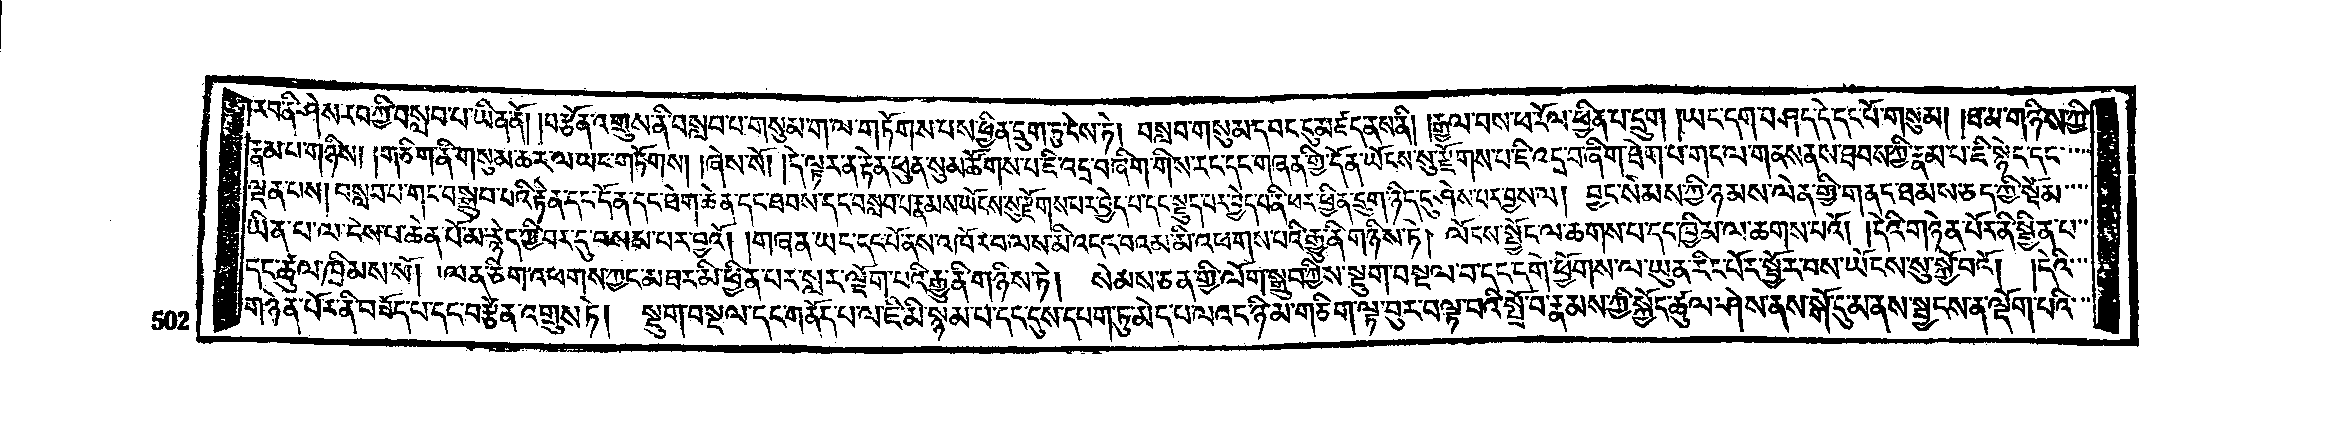རབ་ནི་ཤེས་རབ་ཀྱི་བསླབ་པ་ཡིན་ནོ།།བརྩོན་འགྲུས་ནི་བསླབ་པ་གསུམ་ག་ལ་གཏོགས་པས་ཕྱིན་དྲུག་ཏུ་ངེས་ཏེ། བསླབ་གསུམ་དབང་དུ་མཛད་ནས་ནི། །རྒྱལ་བས་ཕ་རོལ་ཕྱིན་པ་དྲུག །ཡང་དག་བཤད་དེ་དང་པོ་གསུམ། །ཐ་མ་གཉིས་ཀྱི་
རྣམ་པ་གཉིས། །གཅིག་ནི་གསུམ་ཆར་ལ་ཡང་གཏོགས། །ཞེས་སོ། །དེ་ལྟར་ན་རྟེན་ཕུན་སུམ་ཚོགས་པ་ཇི་འདྲ་བ་ཞིག་གིས་རང་དང་གཞན་གྱི་དོན་ཡོངས་སུ་རྫོགས་པ་ཇི་འདྲ་བ་ཞིག་ཐེག་པ་གང་ལ་གནས་ནས་ཐབས་ཀྱི་རྣམ་པ་ཇི་སྙེད་དང་
ལྡན་པས། བསླབ་པ་གང་བསྒྲུབ་པའི་རྟེན་དང་དོན་དང་ཐེག་ཆེན་དང་ཐབས་དང་བསླབ་པ་རྣམས་ཡོངས་སུ་རྫོགས་པར་བྱེད་པ་དང་སྡུད་པར་བྱེད་པ་ནི་ཕར་ཕྱིན་དྲུག་ཉིད་དུ་ཤེས་པར་བྱས་ལ། བྱང་སེམས་ཀྱི་ཉམས་ལེན་གྱི་གནད་ཐམས་ཅད་ཀྱི་སྡོམ་
ཡིན་པ་ལ་ངེས་པ་ཆེན་པོ་མ་རྙེད་ཀྱི་བར་དུ་བསམ་པར་བྱའོ། །གཞན་ཡང་དང་པོ་ནས་འཁོར་བ་ལས་མི་འདའ་བའམ་མི་འཕགས་པའི་རྒྱུ་ནི་གཉིས་ཏེ། ལོངས་སྦྱོད་ལ་ཆགས་པ་དང་ཁྱིམ་ལ་ཆགས་པའོ། །དེའི་གཉེན་པོར་ནི་སྦྱིན་པ་
དང་ཚུལ་ཁྲིམས་སོ། །ལན་ཅིག་འཕགས་ཀྱང་མཐར་མི་ཕྱིན་པར་སླར་ལྡོག་པའི་རྒྱུ་ནི་གཉིས་ཏེ། སེམས་ཅན་གྱི་ལོག་སྒྲུབ་ཀྱིས་སྡུག་བསྔལ་བ་དང་དགེ་ཕྱོགས་ལ་ཡུན་རིང་པོར་སྦྱོར་བས་ཡོངས་སུ་སྐྱོ་བའོ། །དེའི་
གཉེན་པོར་ནི་བཟོད་པ་དང་བརྩོན་འགྲུས་ཏེ། སྡུག་བསྔལ་དང་གནོད་པ་ལ་ཇི་མི་སྙམ་པ་དང་དུས་དཔག་ཏུ་མེད་པ་ལའང་ཉི་མ་གཅིག་ལྟ་བུར་བལྟ་བའི་སྤྲོ་བ་རྣམས་ཀྱི་སྐྱོང་ཚུལ་ཤེས་ནས་སྒོ་དུ་མ་ནས་སྦྱངས་ན་ལྡོག་པའི་